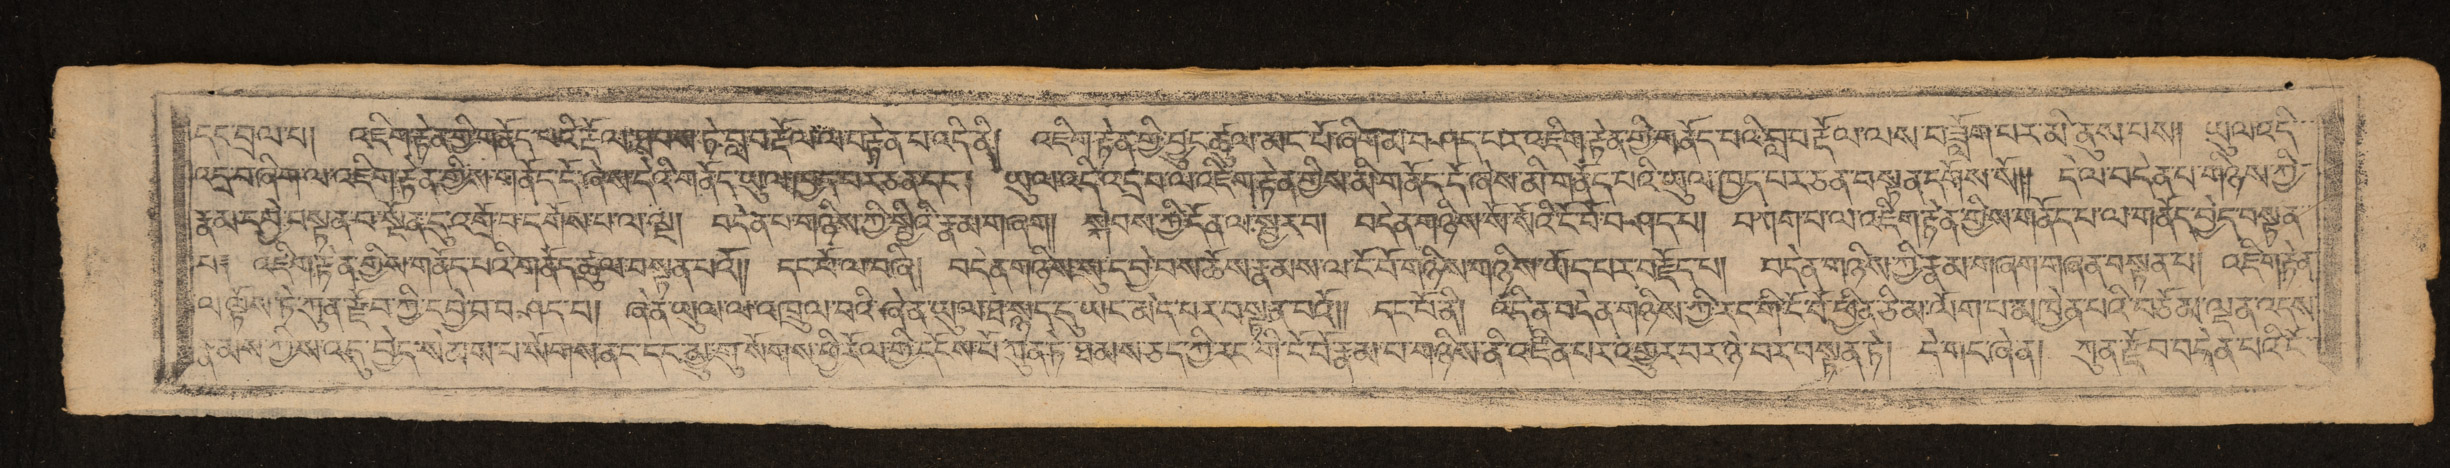དང་བྲལ་བ། འཇིག་རྟེན་གྱི་གནོད་པའི་རྡོལ་ཐབས་ཏེ་བླ་བརྡོལ་ལ་བརྟེན་པ་འདི་ནི། འཇིག་རྟེན་གྱི་བྱུང་ཚུལ་མང་པོ་ཞིག་མ་བཤད་པར་འཇིག་རྟེན་གྱི་གནོད་པའི་བླ་བརྡོལ་ལས་བཟློག་པར་མི་ནུས་པས། ཡུལ་འདི་
འདྲ་བ་ཞིག་ལ་འཇིག་རྟེན་གྱིས་གནོད་དོ་ཞེས་དེའི་གནོད་ཡུལ་ཁྱད་པར་ཅན་དང་། ཡུལ་འདི་འདྲ་བ་ལ་འཇིག་རྟེན་གྱིས་མི་གནོད་དོ་ཞེས་མི་གནོད་པའི་ཡུལ་ཁྱད་པར་ཅན་བསྟན་དགོས་སོ།། དེ་ལ་བདེན་པ་གཉིས་ཀྱི་
རྣམ་དབྱེ་བསྟན་པ་སྔོན་དུ་འགྲོ་བ་དགོས་པ་ལ་ལྔ། བདེན་པ་གཉིས་ཀྱི་སྤྱིའི་རྣམ་གཞག། སྐབས་ཀྱི་དོན་ལ་སྦྱར་བ། བདེན་གཉིས་སོ་སོའི་ངོ་བོ་བཤད་པ། བཀག་པ་ལ་འཇིག་རྟེན་གྱིས་གནོད་པ་ལ་གནོད་བྱེད་བསྟན་
པ༑ འཇིག་རྟེན་གྱིས་གནོད་པའི་གནོད་ཚུལ་བསྟན་པའོ།། དང་པོ་ལ་བཞི། བདེན་གཉིས་སུ་དབྱེ་བས་ཆོས་རྣམས་ལ་ངོ་བོ་གཉིས་གཉིས་ཡོད་པར་བརྗོད་པ། བདེན་གཉིས་ཀྱི་རྣམ་གཞག་གཞན་བསྟན་པ། འཇིག་རྟེན་
ལ་ལྟོས་ཏེ་ཀུན་རྫོབ་ཀྱི་དབྱེ་བ་བཤད་པ། ཞེན་ཡུལ་ལ་འཁྲུལ་པའི་ཞེན་ཡུལ་ཐ་སྙད་དུ་ཡང་མེད་པར་བསྟན་པའོ།། དང་པོ་ནི། འདི་ན་བདེན་གཉིས་ཀྱི་རང་གི་ངོ་བོ་ཕྱིན་ཅི་མ་ལོག་པ་མཁྱེན་པའི་བཅོམ་ལྡན་འདས་
རྣམས་ཀྱིས་འདུ་བྱེད་སེམས་པ་སོགས་ནང་དང་མྱུ་གུ་སོགས་ཕྱི་རོལ་གྱི་དངོས་པོ་ཀུན་ཏེ་ཐམས་ཅད་ཀྱི་རང་གི་ངོ་བོ་རྣམ་པ་གཉིས་ནི་འཛིན་པར་འགྱུར་བར་ཉེ་བར་བསྟེན་ཏེ། དེ་གང་ཞེ་ན། ཀུན་རྫོབ་བདེན་པའི་ངོ་